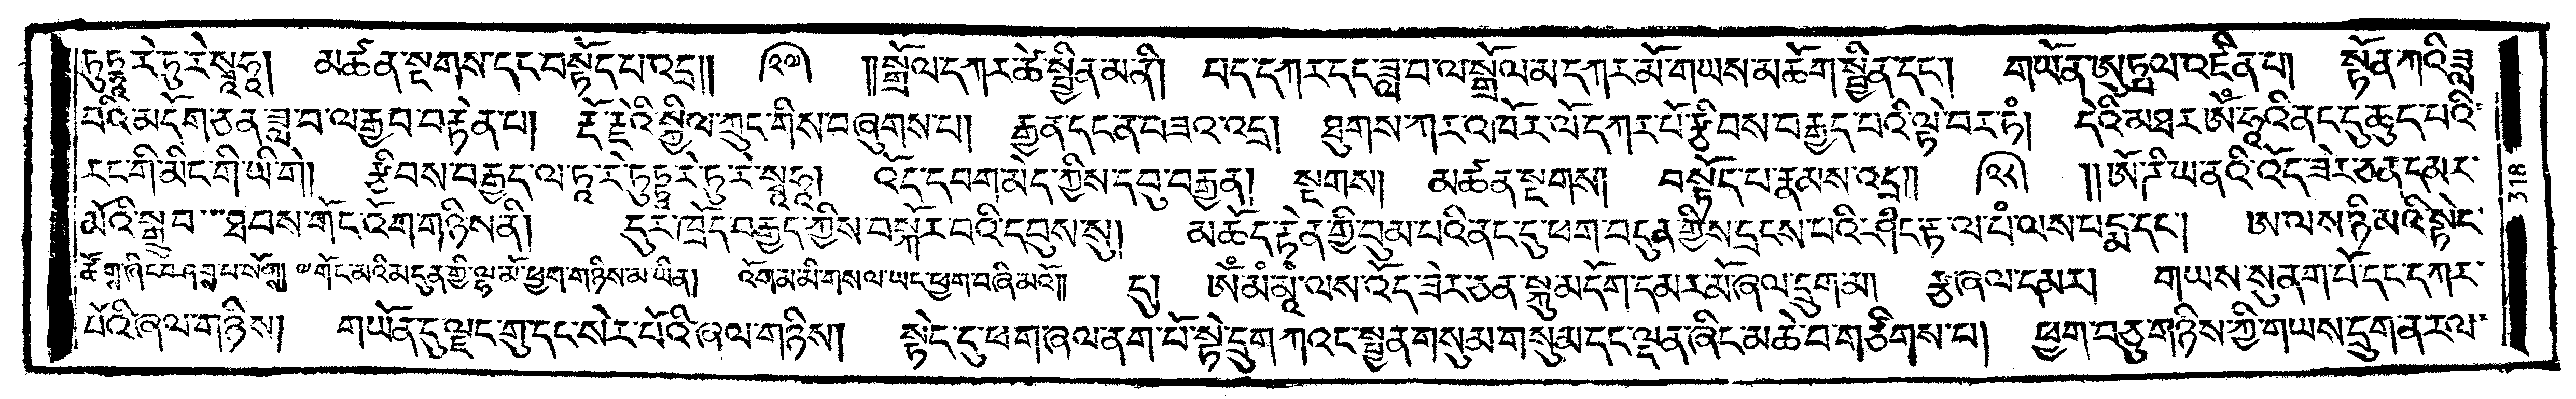ཏུཏྟཱ་རེ་ཏུ་རེ་སྭཱཧཱ། མཚན་སྔགས་དང་བསྟོད་པ་འདྲ།། ༢༧?་།།སྒྲོལ་དཀར་ཚེ་སྦྱིན་མ་ནི། པད་དཀར་དང་ཟླ་བ་ལ་སྒྲོལ་མ་དཀར་མོ་གཡས་མཆོག་སྦྱིན་དང་། གཡོན་ཨུཏྤལ་འཛིན་པ། སྟོན་ཀའི་ཟླ་
བའི་མདོག་ཅན་ཟླ་བ་ལ་རྒྱབ་བརྟེན་པ། རྡོ་རྗེའི་སྐྱིལ་ཀྲུང་གིས་བཞུགས་པ། རྒྱན་དང་ན་བཟའ་འདྲ། ཐུགས་ཀར་འཁོར་ལོ་དཀར་པོ་རྩིབས་བརྒྱད་པའི་ལྟེ་བར་ཏཾ། དེའི་མཐར་ཨོཾ་ཧཱའི་ནང་དུ་ཆུད་པའི་
རང་གི་མིང་གི་ཡི་གེ། རྩིབས་བརྒྱད་ལ་ཏཱ་རེ་ཏུཏྟཱ་རེ་ཏུ་རེ་སྭཱཧཱ། འོད་དཔག་མེད་ཀྱིས་དབུ་བརྒྱན། སྔགས། མཚན་སྔགས། བསྟོད་པ་རྣམས་འདྲ།། ༢༨?་།།ཨོ་ཌི་ཡ་ནའི་འོད་ཟེར་ཅན་དམར་
མོའི་སྒྲུབ་ཐབས་གོང་འོག་གཉིས་ནི། དུར་ཁྲོད་བརྒྱད་ཀྱིས་བསྐོར་བའི་དབུས་སུ། མཆོད་རྟེན་གྱི་བུམ་པའི་ནང་དུ་ཕག་བདུན་གྱིས་དྲངས་པའི་ཤིང་རྟ་ལ་པཾ་ལས་པདམ་དང་། ཨ་ལས་ཉི་མའི་སྟེང་
ཚོགས་ཞིང་བཤགས་པ་སོགས་༧་གོང་མའི་མདུན་གྱི་ལྷ་མོ་ཕྱག་གཉིས་མ་ཡིན། འོག་མ་མི་གསལ་ཡང་ཕྱག་བཞི་མའོ།། དུ། ཨོཾ་མཾ་མཱཾ་ལས་འོད་ཟེར་ཅན་སྐུ་མདོག་དམར་མོ་ཞལ་དྲུག་མ། རྩ་ཞལ་དམར། གཡས་སུ་ནག་པོ་དང་དཀར་
པོའི་ཞལ་གཉིས། གཡོན་དུ་ལྗང་གུ་དང་སེར་པོའི་ཞལ་གཉིས། སྟེང་དུ་ཕག་ཞལ་ནག་པོ་སྟེ་དྲུག་ཀའང་སྤྱན་གསུམ་གསུམ་དང་ལྡན་ཞིང་མཆེ་བ་གཙིགས་པ། ཕྱག་བཅུ་གཉིས་ཀྱི་གཡས་དྲུག་ན་རལ་